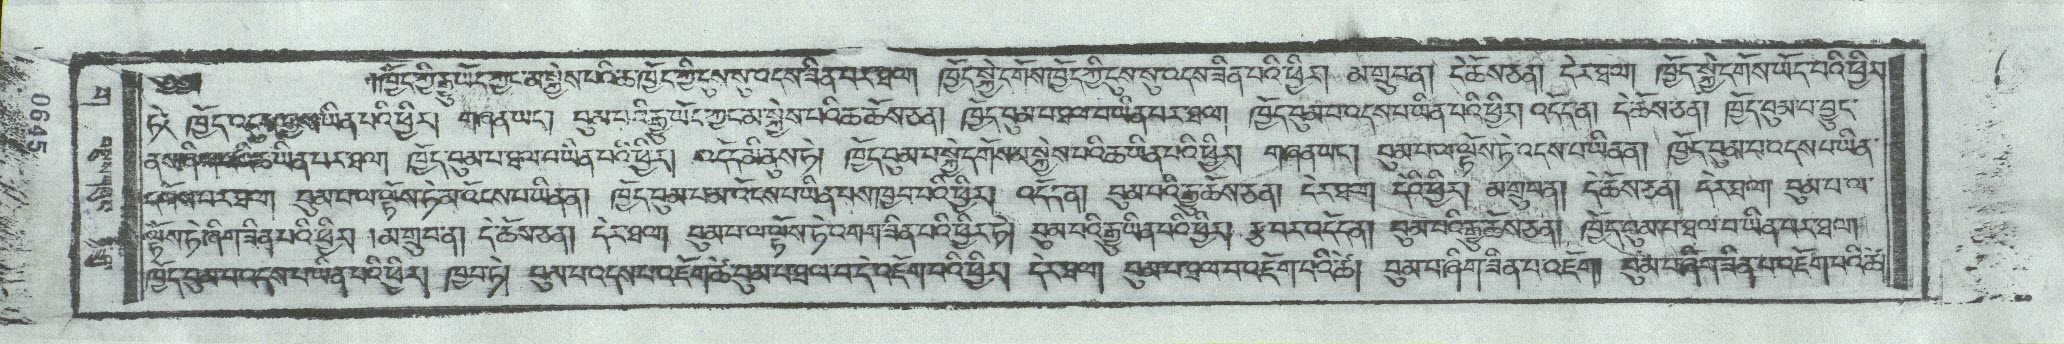༄༅། །ཁྱོད་ཀྱི་རྒྱུ་ཡོད་ཀྱང་མ་སྐྱེས་པའི་ཆ་ཁྱོད་ཀྱི་དུས་སུ་འདས་ཟིན་པར་ཐལ། ཁྱོད་སྐྱེ་དགོས་ཁྱོད་ཀྱི་དུས་སུ་འདས་ཟིན་པའི་ཕྱིར། མ་གྲུབ་ན། དེ་ཆོས་ཅན། དེར་ཐལ། ཁྱོད་སྐྱེ་དགོས་ཡོད་པའི་ཕྱིར་
ཏེ༑ ཁྱོད་འདུས་བྱས་ཡིན་པའི་ཕྱིར། གཞན་ཡང་། བུམ་པའི་རྒྱུ་ཡོད་ཀྱང་མ་སྐྱེས་པའི་ཆ་ཆོས་ཅན། ཁྱོད་བུམ་པ་ཐལ་བ་ཡིན་པར་ཐལ། ཁྱོད་བུམ་པ་འདས་པ་ཡིན་པའི་ཕྱིར། འདོད་ན། དེ་ཆོས་ཅན། ཁྱོད་བུམ་པ་བྱུང་
ནས་ཞིག་པའི་ཆ་ཡིན་པར་ཐལ། ཁྱོད་བུམ་པ་ཐལ་བ་ཡིན་པའི་ཕྱིར། འདོད་མི་ནུས་ཏེ། ཁྱོད་བུམ་པ་སྐྱེ་དགོས་མ་སྐྱེས་པའི་ཆ་ཡིན་པའི་ཕྱིར། གཞན་ཡང་། བུམ་པ་ལ་ལྟོས་ཏེ་འདས་པ་ཡིན་ན། ཁྱོད་བུམ་པ་འདས་པ་ཡིན་
དགོས་པར་ཐལ། བུམ་པ་ལ་ལྟོས་ཏེ་མ་འོངས་པ་ཡིན་ན། ཁྱོད་བུམ་པ་མ་འོངས་པ་ཡིན་པས་ཁྱབ་པའི་ཕྱིར། འདོད་ན། བུམ་པའི་རྒྱུ་ཆོས་ཅན། དེར་ཐལ། དེའི་ཕྱིར། མ་གྲུབ་ན། དེ་ཆོས་ཅན། དེར་ཐལ། བུམ་པ་ལ་
ལྟོས་ཏེ་ཞིག་ཟིན་པའི་ཕྱིར། །མ་གྲུབ་ན། དེ་ཆོས་ཅན། དེར་ཐལ། བུམ་པ་ལ་ལྟོས་ཏེ་འགག་ཟིན་པའི་ཕྱིར་ཏེ། བུམ་པའི་རྒྱུ་ཡིན་པའི་ཕྱིར། རྩ་བར་འདོད་ན། བུམ་པའི་རྒྱུ་ཆོས་ཅན། ཁྱོད་བུམ་པ་ཐལ་བ་ཡིན་པར་ཐལ།
ཁྱོད་བུམ་པ་འདས་པ་ཡིན་པའི་ཕྱིར། ཁྱབ་ཏེ། བུམ་པ་འདས་པ་འཇོག་ཚེ་བུམ་པ་ཐལ་བ་དེ་འཇོག་པའི་ཕྱིར། དེར་ཐལ། བུམ་པ་ཐལ་བ་འཇོག་པའི་ཚེ། བུམ་པ་ཞིག་ཟིན་པ་འཇོག། བུམ་པ་ཞིག་ཟིན་པ་འཇོག་པའི་ཚེ།